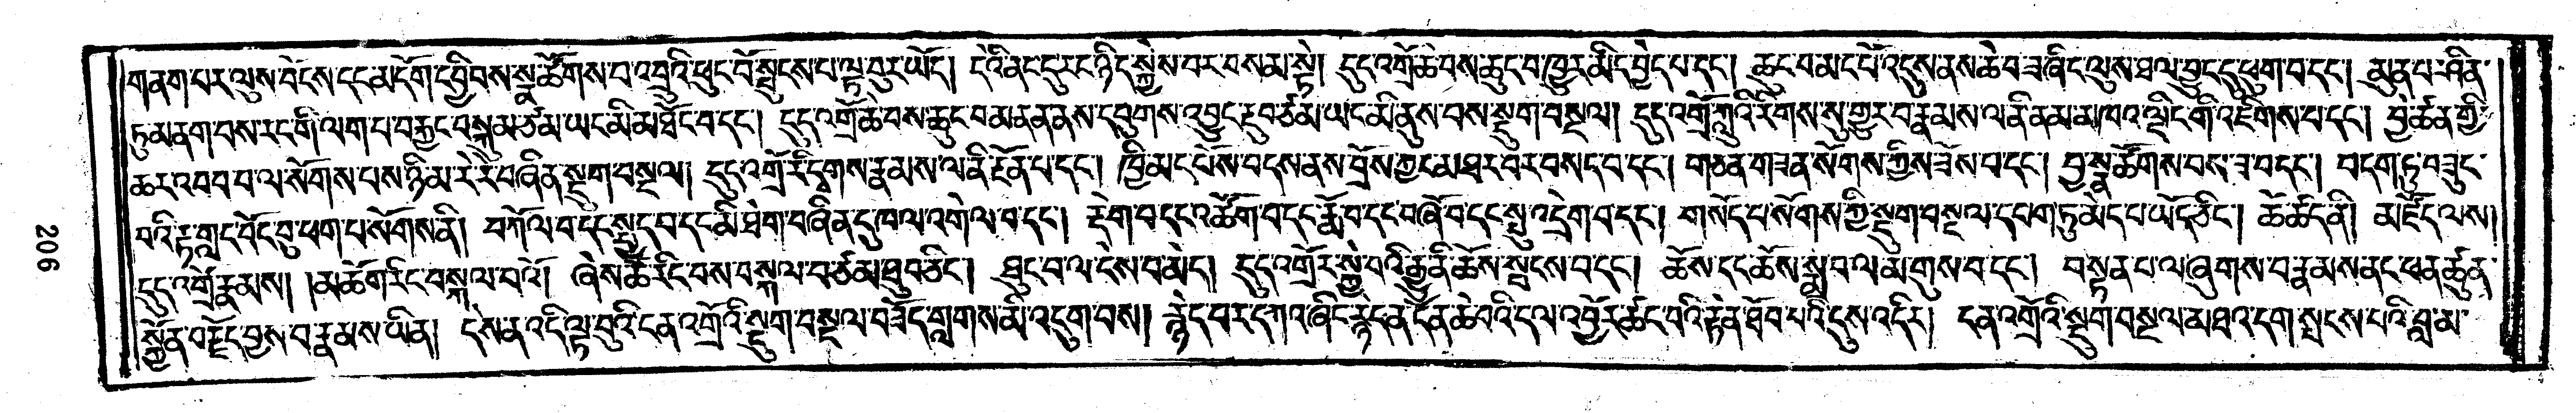གནག་པར་ལུས་བོངས་དང་མདོག་དབྱིབས་སྣ་ཚོགས་པ་འབྲུའི་ཕུང་པོ་སྤུངས་པ་ལྟ་བུར་ཡོད། དེའི་ནང་དུ་རང་ཉིད་སྐྱེས་བར་བསམ་སྟེ། དུད་འགྲོ་ཆེ་བས་ཆུང་བ་ཁྱུར་མིད་བྱེད་པ་དང་། ཆུང་བ་མང་པོ་འདུས་ནས་ཆེ་བ་ཟ་ཞིང་ལུས་ཐལ་བྱུང་དུ་ཕུག་པ་དང་། མུན་པ་ཤིན་
ཏུ་མནག་པས་རང་གི་ལག་པ་བརྐྱང་བསྐུམ་ཙམ་ཡང་མི་མཐོང་བ་དང་། དུད་འགྲོ་ཆེ་བས་ཆུང་བ་མནན་ནས་དབུགས་འབྱུང་རྡུབ་ཙམ་ཡང་མི་ནུས་པས་སྡུག་བསྔལ། དུད་འགྲོ་ཀླུའི་རིགས་སུ་གྱུར་པ་རྣམས་ལ་ནི་ནམ་མཁའ་ལྡིང་གི་འཇིགས་པ་དང་། བྱེ་ཚན་གྱི་
ཆར་འབབ་པ་ལ་སོགས་པས་ཉི་མ་རེ་རེ་བཞིན་སྡུག་བསྔལ། དུད་འགྲོ་རི་དྭགས་རྣམས་ལ་ནི་རྔོན་པ་དང་། ཁྱི་མང་པོས་བདས་ནས་བྲོས་ཀྱང་མཐར་བར་བསད་པ་དང་། གཅན་གཟན་སོགས་ཀྱིས་ཟོས་པ་དང་། བྱ་སྣ་ཚོགས་པས་ཟ་བ་དང་། བདག་ཏུ་བཟུང་
བའི་རྟ་གླང་བོང་བུ་ཕག་པ་སོགས་ནི། བཀོལ་བ་དང་སྤྱད་པ་དང་མི་ཐེག་བཞིན་དུ་ཁལ་འགེལ་བ་དང་། རྡེག་པ་དང་འཚོག་པ་དང་རྨོ་བ་དང་བཞོ་བ་དང་སྤུ་འདྲེག་པ་དང་། གསོད་པ་སོགས་ཀྱི་སྡུག་བསྔལ་དཔག་ཏུ་མེད་པ་ཡོད་ཅིང་། ཆོ་ཚད་ནི། མཛོད་ལས།
དུད་འགྲོ་རྣམས། །མཆོག་རིང་བསྐལ་བའོ། །ཞེས་ཚེ་རིང་བས་བསྐལ་པ་ཙམ་ཐུབ་ཅིང་། ཐུང་བ་ལ་ངེས་བ་མེད། དུད་འགྲོར་སྐྱེ་བའི་རྒྱུ་ནི་ཆོས་སྤངས་པ་དང་། ཆོས་དང་ཆོས་སྨྲ་བ་ལ་མ་གུས་པ་དང་། བསྟན་པ་ལ་ཞུགས་པ་རྣམས་ནང་ཕན་ཚུན་
སྐྱོན་བརྗོད་བྱས་བ་རྣམས་ཡིན། དེས་ན་འདི་ལྟ་བུའི་ངན་འགྲོའི་སྡུག་བསྔལ་བཟོད་གླགས་མི་འདུག་པས། རྙེད་བར་དཀའ་ཞིང་རྙེད་ན་དོན་ཆེ་བའི་དལ་འབྱོར་ཚང་བའི་རྟེན་ཐོབ་པའི་དུས་འདིར། ངན་འགྲོའི་སྡུག་བསྔལ་མཐའ་དག་སྤངས་པའི་བླ་མ་